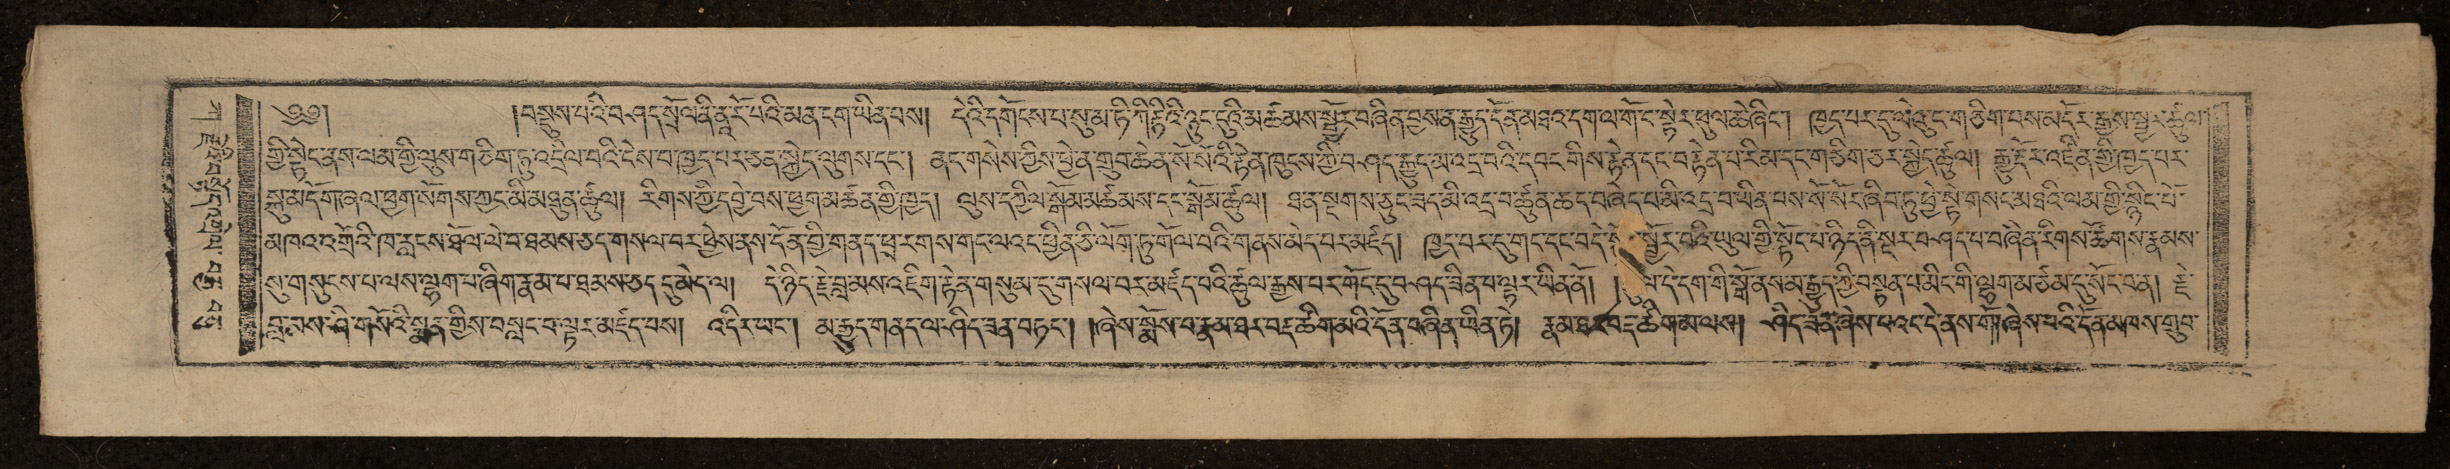༄༅། །བསྡུས་པའི་བཤད་སྲོལ་ནི་ནཱ་རོ་བའི་མན་ངག་ཡིན་པས། དེའི་དགོངས་པ་སུ་མ་ཏི་གི་རྟིའི་ཉུང་དུའི་མཚམས་སྦྱོར་བཞིན་བྱས་ན་རྒྱུད་དོན་མཐའ་དག་ལ་གོ་བསྟེར་ཕུལ་ཆེ་ཞིང་། ཁྱད་པར་དུ་ཁུང་གཅིག་པས་མདོར་རྒྱས་སྦྱར་ཚུལ་
གྱི་སྟེང་ནས་ལམ་གྱི་ལུས་གཅིག་ཏུ་འདྲིལ་བའི་ངེས་པ་ཁྱད་པར་ཅན་སྐྱེད་ལུགས་དང་། ནང་གསེས་ཀྱིས་ཕྱེ་ན་གྲུབ་ཆེན་སོ་སོའི་རྟེན་ཁུངས་ཀྱི་བཤད་རྒྱུད་མ་འདྲ་བའི་དབང་གྱིས་རྟེན་དང་བརྟེན་པ་རིམ་དང་ཅིག་ཅར་བསྐྱེད་ཚུལ། རྒྱུ་རྡོར་འཛིན་གྱི་ཁྱད་པར་
སྐུ་མདོག་ཞལ་ཕྱག་སོགས་ཀྱང་མི་མཐུན་ཚལ། རིགས་ཀྱི་དབྱེ་བས་ཕྱག་མཚན་གྱི་ཁྱད། ལུས་དཀྱིལ་སྒོམ་མཚམས་དང་སྒོམ་ཚུལ། ཐན་སྔགས་ཅུང་ཟད་མི་འདྲ་བ་ཚུན་ཆད་བཞེད་པ་མི་འདྲ་བ་ཡིན་པས་སོ་སོར་ཞིབ་ཏུ་ཕྱེ་སྟེ་གསང་མཐིལ་ལམ་གྱི་སྙིང་པོ་
མཁའ་འགྲོའི་ཁ་རླངས་ཐོལ་ལེ་བ་ཐམས་ཅད་གསལ་བར་ཕྱེས་ནས་དོན་གྱི་གནད་ཕྲ་རགས་གང་ལའང་ཕྱིན་ཅི་ལོག་ཏུ་གོལ་བའི་གནས་མེད་པར་མཛད། ཁྱད་པར་དུ་གང་དང་བདེ་སྟོང་སྦྱོར་བའི་ཡུལ་ཀྱི་སྟོང་བ་ཉིད་ནི་སྔར་བཤད་པ་བཞིན་རིགས་ཚོགས་རྣམས་
སུ་གསུངས་པ་ལས་ལྷག་པ་ཞིག་རྣམ་པ་ཐམས་ཅད་དུ་མེད་ལ། དེ་ཉིད་རྗེ་བླ་མས་འཇིག་རྟེན་གསུམ་དུ་གསལ་བར་མཛད་པའི་ཚུལ་རྒྱས་པར་གོང་དུ་བཤད་ཟིན་པ་ལྟར་ཡིན་ནོ། །ཚུལ་དེ་དག་གི་སྒོ་ནས་མ་རྒྱུད་ཀྱི་བསྟན་པ་མིང་གི་ལྷག་མ་ཙམ་དུ་སོང་པ་ན། རྗེ་
བླ་མས་ཤི་གསོའི་སྨན་གྱིས་བསླང་བ་ལྟར་མཛད་པས། འདིར་ཡང་། མ་རྒྱུད་གནད་ལ་ཤིད་ཟན་བཏང་། །ཞེས་སྨོས་པ་རྣམ་ཐར་བརྡ་ཚིག་མའི་དོན་བཞིན་ཡིན་ཏེ། རྣམ་ཐར་བརྡ་ཚིག་མ་ལས། ཤིད་ཟན་ཞེས་པའང་དེ་ནས་གོ། ཞེས་པའི་དོན་མཁས་གྲུབ་